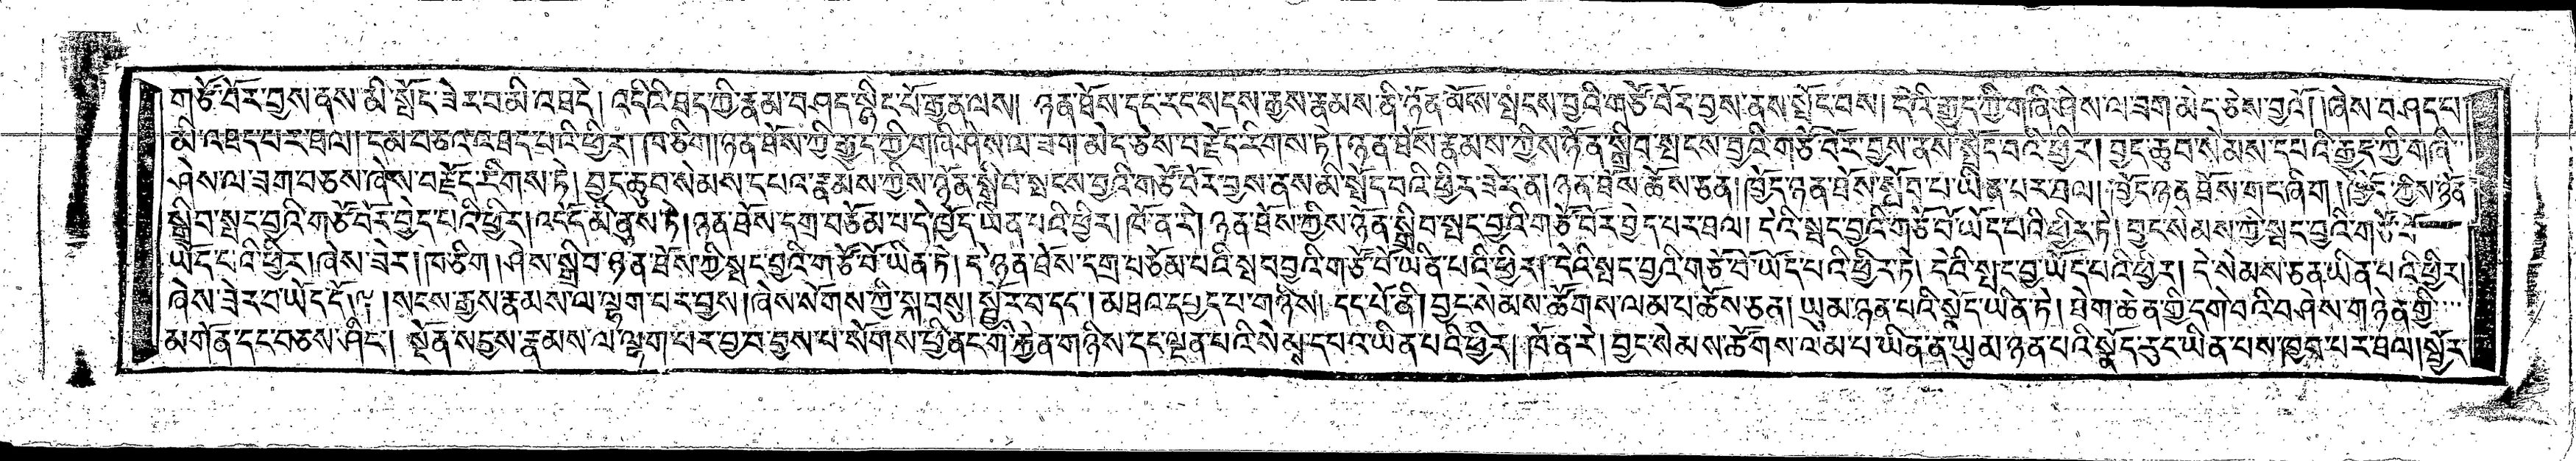གཙོ་བོར་བྱས་ནས་མི་སྤོང་ཟེར་བ་མི་འཐད་དེ། འདིའི་ཐད་ཀྱི་རྣམ་བཤད་སྙིང་པོ་རྒྱན་ལས། ཉན་ཐོས་དང་རང་སངས་རྒྱས་རྣམས་ནི་ཉོན་མོངས་སྤངས་བྱའི་གཙོ་བོར་བྱས་ནས་སྤོང་བས། དེའི་རྒྱུད་ཀྱི་གཞི་ཤེས་ལ་ཟག་མེད་ཅེས་བྱའོ། །ཞེས་བཤད་པ་
མི་འཐད་པར་ཐལ། དམ་བཅའ་འཐད་པའི་ཕྱིར། ཁ་ཅིག། ཉན་ཐོས་ཀྱི་རྒྱུད་ཀྱི་གཞི་ཤེས་ལ་ཟག་མེད་ཅེས་བརྗོད་རིགས་ཏེ། ཉན་ཐོས་རྣམས་ཀྱིས་ཉོན་སྒྲིབ་སྤངས་བྱའི་གཙོ་བོར་བྱས་ནས་སྤོང་པའི་ཕྱིར། བྱང་ཆུབ་སེམས་དཔའི་རྒྱུད་ཀྱི་གཞི་
ཤེས་ལ་ཟག་བཅས་ཞེས་བརྗོད་རིགས་ཏེ། བྱང་ཆུབ་སེམས་དཔའ་རྣམས་ཀྱིས་ཉོན་སྒྲིབ་སྤངས་བྱའི་གཙོ་བོར་བྱས་ནས་མི་སྤོང་བའི་ཕྱིར་ཟེར་ན། ཉན་ཐོས་ཆོས་ཅན། ཁྱོད་ཉན་ཐོས་སློབ་པ་ཡིན་པར་ཐལ། ཁྱོད་ཉན་ཐོས་གང་ཞིག །ཁྱོད་ཀྱིས་ཉོན་
སྒྲིབ་སྤང་བྱའི་གཙོ་བོར་བྱེད་པའི་ཕྱིར། འདོད་མི་ནུས་ཏེ། ཉན་ཐོས་དགྲ་བཅོམ་པ་དེ་ཁྱོད་ཡིན་པའི་ཕྱིར། ཁོ་ན་རེ། ཉན་ཐོས་ཀྱིས་ཉོན་སྒྲིབ་སྤང་བྱའི་གཙོ་བོར་བྱེད་པར་ཐལ། དེའི་སྤང་བྱའི་གཙོ་བོ་ཡོད་པའི་ཕྱིར་ཏེ། བྱང་སེམས་ཀྱི་སྤང་བྱའི་གཙོ་བོ་
ཡོད་པའི་ཕྱིར། ཞེས་ཟེར། ཁ་ཅིག། ཤེས་སྒྲིབ་ཉན་ཐོས་ཀྱི་སྤང་བྱའི་གཙོ་བོ་ཡིན་ཏེ། དེ་ཉན་ཐོས་དགྲ་བཅོམ་པའི་སྤང་བྱའི་གཙོ་བོ་ཡིན་པའི་ཕྱིར། དེའི་སྤང་བྱའི་གཙོ་བོ་ཡོད་པའི་ཕྱིར་ཏེ། དེའི་སྤང་བྱ་ཡོད་པའི་ཕྱིར། དེ་སེམས་ཅན་ཡིན་པའི་ཕྱིར།
ཞེས་ཟེར་བ་ཡོད་དོ། ༈ །སངས་རྒྱས་རྣམས་ལ་ལྷག་པར་བྱས། ཞེས་སོགས་ཀྱི་སྐབས་སུ། སྦྱོར་བ་དང་། མཐའ་དཔྱད་པ་གཉིས། དང་པོ་ནི། བྱང་སེམས་ཚོགས་ལམ་པ་ཆོས་ཅན། ཡུམ་ཉན་པའི་སྣོད་ཡིན་ཏེ། ཐེག་ཆེན་གྱི་དགེ་བའི་བཤེས་གཉེན་གྱི་
མགོན་དང་བཅས་ཤིང་། སྔོན་སངས་རྒྱས་རྣམས་ལ་ལྷག་པར་བྱ་བ་བྱས་པ་སོགས་ཕྱི་ནང་གི་རྐྱེན་གཉིས་དང་ལྡན་པའི་སེམས་དཔའ་ཡིན་པའི་ཕྱིར། ཁོ་ན་རེ། བྱང་སེམས་ཚོགས་ལམ་པ་ཡིན་ན་ཡུམ་ཉན་པའི་སྣོད་རུང་ཡིན་པས་ཁྱབ་པར་ཐལ། སྦྱོར་